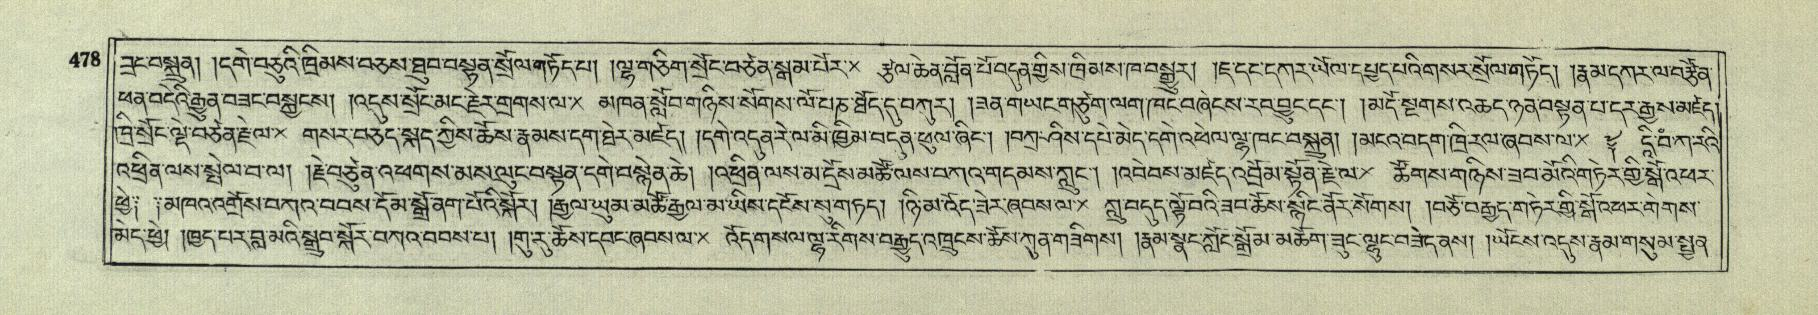ཟང་བསྐྲུན། །དགེ་བཅུའི་ཁྲིམས་བཅས་ཐུབ་བསྟན་སྲོལ་གཏོད་པ། །ལྷ་གཅིག་སྲོང་བཙན་སྒམ་པོར་྾་རྩལ་ཆེན་བློན་པོ་བདུན་གྱིས་ཁྲིམས་ཁ་བསྒྱུར། །ཇ་དང་དཀར་ཡོལ་དཔྱད་པའི་གསར་སྲོལ་གཏོད། །རྣམ་དཀར་ལ་བརྩོན་
ཕན་བདེའི་རྒྱུན་བཟང་བསྐྱངས། །འདུས་སྲོང་མང་རྗེར་གྲགས་ལ་྾་མཁན་སློབ་གཉིས་སོགས་ལོ་པཎ་ཐོད་དུ་བཀུར། །ཟན་གཡང་གཙུག་ལག་ཁང་བཞེངས་རབ་བྱུང་དང་། །མདོ་སྔགས་འཆད་ཉན་བསྟན་པ་དར་རྒྱས་མཛད་
ཁྲི་སྲོང་ལྡེ་བཙན་རྗེ་ལ་྾་གསར་བཅད་སྐད་ཀྱིས་ཆོས་རྣམས་དག་ཐེར་མཛད། །དགེ་འདུན་རེ་ལ་མི་ཁྱིམ་བདུན་ཕུལ་ཞིང་། །བཀྲ་ཤིས་དཔེ་མེད་དགེ་འཕེལ་ལྷ་ཁང་བསྐྲུན། །མངའ་བདག་ཁྲི་རལ་ཞབས་ལ་྾་འ་དཱི་བཾ་ཀ་རའི་
འཕྲིན་ལས་སྤེལ་བ་ལ། །རྗེ་བཙུན་འཕགས་མས་ལུང་བསྟན་དགེ་བསྙེན་ཆེ། །འཕྲིན་ལས་མ་དྲོས་མཚོ་ལས་བཀའ་གདམས་ཀླུང་། །འབེབས་མཛད་འབྲོམ་སྟོན་རྗེ་ལ་྾་ཚོགས་གཉིས་ཟབ་མོའི་གཏེར་གྱི་སྒོ་འཕར་
ཕྱེ༑ ༑མཁའ་འགྲོས་བཀའ་བབས་དོམ་སྒྲོ་ནག་པོའི་སྐོར། །རྒྱལ་ཡུམ་མཚོ་རྒྱལ་མ་ཡིས་དངོས་སུ་གཏད། །ཉི་མ་འོད་ཟེར་ཞབས་ལ་྾་ཀླུ་བདུད་ལྟོ་བའི་ཟབ་ཆོས་སྙིང་ནོར་སོགས། །བཅོ་བརྒྱད་གཏེར་གྱི་སྒོ་འཕར་གེགས་
མེད་ཕྱེ། །ཁྱད་པར་བླ་མའི་སྒྲུབ་སྐོར་བཀའ་བབས་པ། །གུ་རུ་ཆོས་དབང་ཞབས་ལ་྾་འོད་གསལ་ལྷ་རིགས་བརྒྱུད་འཁྲུངས་ཆོས་ཀུན་གཟིགས། །རྣམ་སྣང་ཀློང་སྒྲོམ་མཆོག་ཟུང་ལྷུང་བཟེད་ནས། །ཡོངས་འདུས་རྣམ་གསུམ་སྤྱན་